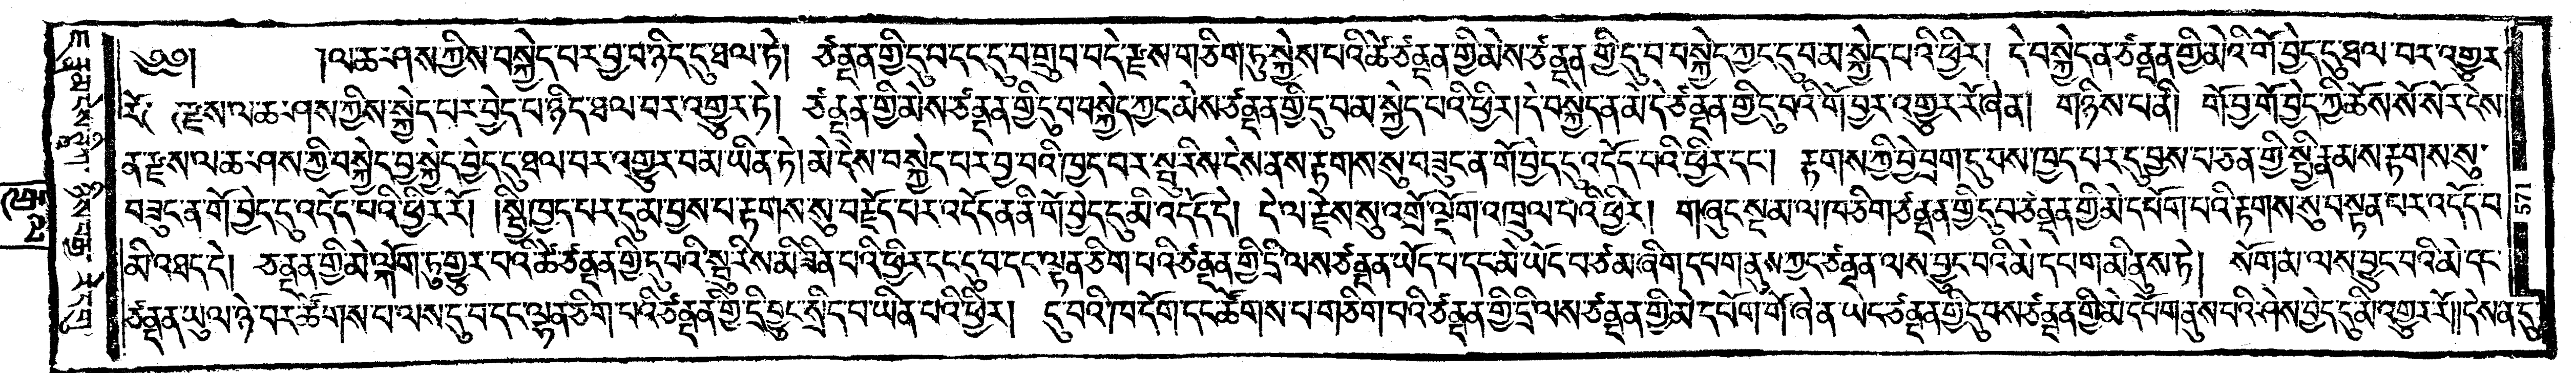༄༅། །ལ་ཆ་ཤས་ཀྱིས་བསྐྱེད་པར་བྱ་བ་ཉིད་དུ་ཐལ་ཏེ། ཙནྡན་གྱི་དུ་བ་དང་དུ་བ་གྲུབ་བདེ་རྫས་གཅིག་ཏུ་སྐྱེས་པའི་ཚེ་ཙནྡན་གྱི་མེས་ཙནྡན་གྱི་དུ་བ་བསྐྱེད་ཀྱང་དུ་བ་མ་སྐྱེད་པའི་ཕྱིར། དེ་བསྐྱེད་ན་ཙནྡན་གྱི་མེའི་གོ་བྱེད་དུ་ཐལ་བར་འགྱུར་
རོ། །རྫས་ལ་ཆ་ཤས་ཀྱིས་སྐྱེད་པར་བྱེད་པ་ཉིད་ཐལ་བར་འགྱུར་ཏེ། ཙནྡན་གྱི་མེས་ཙནྡན་གྱི་དུ་བ་བསྐྱེད་ཀྱང་མེས་ཙནྡན་གྱི་དུ་བ་མ་སྐྱེད་པའི་ཕྱིར། དེ་བསྐྱེད་ན་མེ་དེ་ཙནྡན་གྱི་དུ་བའི་གོ་བྱར་འགྱུར་རོ་ཞེ་ན། གཉིས་པ་ནི། གོ་བྱ་གོ་བྱེད་ཀྱི་ཆོས་སོ་སོར་ངེས་
ན་རྫས་ལ་ཆ་ཤས་ཀྱི་བསྐྱེད་བྱ་སྐྱེད་བྱེད་དུ་ཐལ་བར་འགྱུར་བ་མ་ཡིན་ཏེ། མེ་དེས་བསྐྱེད་པར་བྱ་བའི་ཁྱད་པར་སྦུ་རིས་ངེས་ནས་རྟགས་སུ་བཟུང་ན་གོ་བྱེད་དུ་འདོད་པའི་ཕྱིར་དང་། རྟགས་ཀྱི་བྱེ་བྲག་དུ་བས་ཁྱད་པར་དུ་བྱས་པ་ཅན་གྱི་སྤྱི་རྣམས་རྟགས་སུ་
བཟུང་ན་གོ་བྱེད་དུ་འདོད་པའི་ཕྱིར་རོ། །སྤྱི་ཁྱད་པར་དུ་མ་བྱས་པ་རྟགས་སུ་བརྗོད་པར་འདོད་ན་ནི་གོ་བྱེད་དུ་མི་འདོད་དེ། དེ་ལ་རྗེས་སུ་འགྲོ་ལྡོག་འཁྲུལ་པའི་ཕྱིར། གཞུང་སྔ་མ་ལ་ཁ་ཅིག་ཙནྡན་གྱི་དུ་བ་ཙནྡན་གྱི་མེ་དཔོག་པའི་རྟགས་སུ་བསྟན་པར་འདོད་པ་
མི་འཐད་དེ། ཙནྡན་གྱི་མེ་ལྐོག་ཏུ་གྱུར་པའི་ཚེ་ཙནྡན་གྱི་དུ་བའི་སྦུ་རིས་མི་ཟིན་པའི་ཕྱིར་དང་དུ་བ་དང་ལྷན་ཅིག་པའི་ཙནྡན་གྱི་དྲི་ལས་ཙནྡན་ཡོད་པ་དང་མེ་ཡོད་པ་ཙམ་ཞིག་དཔག་ནུས་ཀྱང་ཙནྡན་ལས་བྱུང་བའི་མེ་དཔག་མི་ནུས་ཏེ། སོག་མ་ལས་བྱུང་བའི་མེ་དང་
ཙནྡན་ཡུལ་ཉེ་བར་ཚོགས་པ་ལས་དུ་བ་དང་ལྷན་ཅིག་པའི་ཙནྡན་གྱི་དྲི་བྱུང་སྲིད་པ་ཡིན་པའི་ཕྱིར། དུ་བའི་ཁ་དོག་དང་ཚོགས་པ་གཅིག་པའི་ཙནྡན་གྱི་དྲི་ལས་ཙནྡན་གྱི་མེ་དཔོག་གོ་ཞེ་ན་ཡང་ཙནྡན་གྱི་དུ་བས་ཙནྡན་གྱི་མེ་དཔོག་ནུས་པའི་ཤེས་བྱེད་དུ་མི་འགྱུར་རོ། །དེས་ན་དུ་